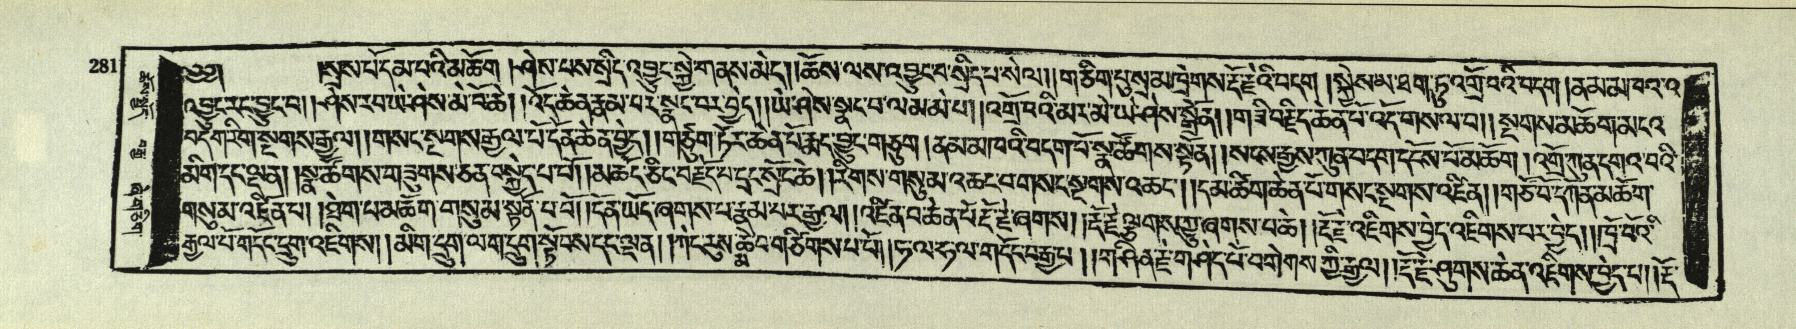༄༅། །སྲས་པོ་དམ་པའི་མཆོག །ཤེས་པས་སྲིད་འབྱུང་སྐྱེ་གནས་མེད། །ཆོས་ལས་འབྱུང་བ་སྲིད་པ་སེལ། །གཅིག་པུ་སྲ་མཁྲེགས་རྡོ་རྗེའི་བདག །སྐྱེས་མ་ཐག་ཏུ་འགྲོ་བའི་བདག །ནམ་མཁའ་འ་
འབྱུང་རང་བྱུང་བ། །ཤེས་རབ་ཡེ་ཤེས་མེ་བོ་ཆེ། །འོད་ཆེན་རྣམ་པར་སྣང་བར་བྱེད། །ཡེ་ཤེས་སྣང་བ་ལམ་མེ་པ། །འགྲོ་བའི་མར་མེ་ཡེ་ཤེས་སྒྲོན། །གཟི་བརྗིད་ཆེན་པོ་འོད་གསལ་བ། །སྔགས་མཆོག་མངའ་
བདག་རིག་སྔགས་རྒྱལ། །གསང་སྔགས་རྒྱལ་པོ་དོན་ཆེན་བྱེད། །གཙུག་ཏོར་ཆེན་པོ་རྨད་བྱུང་གཅུག །ནམ་མཁའི་བདག་པོ་སྣ་ཚོགས་སྟོན། །སངས་རྒྱས་ཀུན་བདག་དངོས་པོ་མཆོག །འགྲོ་ཀུན་དགའ་བའི་
མིག་དང་ལྡན། །སྣ་ཚོགས་གཟུགས་ཅན་བསྐྱེད་པ་པོ། །མཆོད་ཅིང་བརྗོད་པ་དྲང་སྲོང་ཆེ། །རིགས་གསུམ་འཆང་བ་གསང་སྔགས་འཆང་། །དམ་ཚིག་ཆེན་པོ་གསང་སྔགས་འཛིན། །གཙོ་བོ་དཀོན་མཆོག་
གསུམ་འཛིན་པ། །ཐེག་པ་མཆོག་གསུམ་སྟོན་པ་པོ། །དོན་ཡོད་ཞགས་པ་རྣམ་པར་རྒྱལ། །འཛིན་བ་ཆེན་པོ་རྡོ་རྗེ་ཞགས། །རྡོ་རྗེ་ལྕགས་ཀྱུ་ཞགས་པ་ཆེ། །རྡོ་རྗེ་འཇིགས་བྱེད་འཇིགས་པར་བྱེད། །ཁྲོ་བོའི་
རྒྱལ་པོ་གདོང་དྲུག་འཇིགས། །མིག་དྲུག་ལག་དྲུག་སྟོབས་དང་ལྡན། །ཀེང་རུས་མ་ཆེ་བ་གཙིགས་པ་པོ། །ཧ་ལ་ཧ་ལ་གདོང་བརྒྱ་པ། །གཤིན་རྗེ་གཤེད་པོ་བགེགས་ཀྱི་རྒྱལ། །རྡོ་རྗེ་ཤུགས་ཆེན་འཇིགས་བྱེད་པ། །རྡོ་